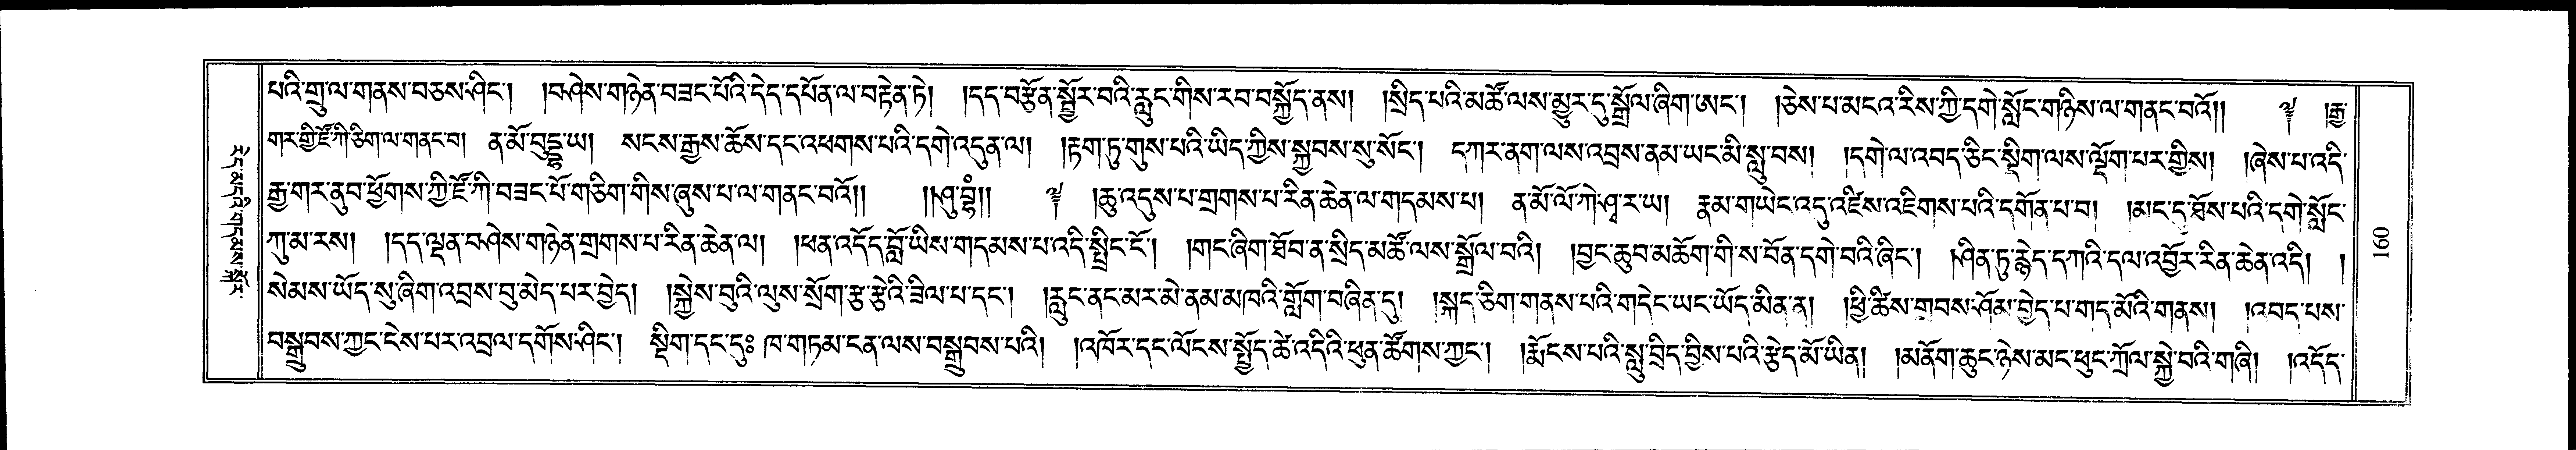པའི་གྲུ་ལ་གནས་བཅས་ཤིང་། །བཤེས་གཉེན་བཟང་པོའི་དེད་དཔོན་ལ་བརྟེན་ཏེ། །དད་བརྩོན་སྦྱོར་བའི་རླུང་གིས་རབ་བསྐྱོད་ནས། །སྲིད་པའི་མཚོ་ལས་མྱུར་དུ་སྒྲོལ་ཞིག་ཨང་། །ཅེས་པ་མངའ་རིས་ཀྱི་དགེ་སློང་གཉིས་ལ་གནང་བའོ།། ༈ །རྒྱ་
གར་གྱི་ཛོ་ཀི་ཅིག་ལ་གནང་བ། ན་མོ་བུདྡྷ་ཡ། སངས་རྒྱས་ཆོས་དང་འཕགས་པའི་དགེ་འདུན་ལ། །རྟག་ཏུ་གུས་པའི་ཡིད་ཀྱིས་སྐྱབས་སུ་སོང་། དཀར་ནག་ལས་འབྲས་ནམ་ཡང་མི་སླུ་བས། །དགེ་ལ་འབད་ཅིང་སྡིག་ལས་ལྡོག་པར་གྱིས། །ཞེས་པ་འདི་
རྒྱ་གར་ནུབ་ཕྱོགས་ཀྱི་ཛོ་ཀི་བཟང་པོ་གཅིག་གིས་ཞུས་པ་ལ་གནང་བའོ།། །།ཤུ་བྷཾ།། ༈ །ཆུ་འདུས་པ་གྲགས་པ་རིན་ཆེན་ལ་གདམས་པ། ན་མོ་ལོ་ཀེ་ཤྭ་ར་ཡ། རྣམ་གཡེང་འདུ་འཛིས་འཇིགས་པའི་དགོན་པ་བ། །མང་དུ་ཐོས་པའི་དགེ་སློང་
ཀུ་མ་རས། །དད་ལྡན་བཤེས་གཉེན་གྲགས་པ་རིན་ཆེན་ལ། །ཕན་འདོད་བློ་ཡིས་གདམས་པ་འདི་སྤྲིང་ངོ། །གང་ཞིག་ཐོབ་ན་སྲིད་མཚོ་ལས་སྒྲོལ་བའི། །བྱང་ཆུབ་མཆོག་གི་ས་བོན་དགེ་བའི་ཞིང་། །ཤིན་ཏུ་རྙེད་དཀའི་དལ་འབྱོར་རིན་ཆེན་འདི། །
སེམས་ཡོད་སུ་ཞིག་འབྲས་བུ་མེད་པར་བྱེད། །སྐྱེས་བུའི་ལུས་སྲོག་རྩ་རྩེའི་ཟིལ་པ་དང་། །རླུང་ནང་མར་མེ་ནམ་མཁའི་གློག་བཞིན་དུ། །སྐད་ཅིག་གནས་པའི་གདེང་ཡང་ཡོད་མིན་ན། །ཕྱི་ཚིས་གྲབས་ཤོམ་བྱེད་པ་གད་མོའི་གནས། །འབད་པས་
བསྒྲུབས་ཀྱང་ངེས་པར་འབྲལ་དགོས་ཤིང་། སྡིག་དང་དུཿ ཁ་གཏམ་ངན་ལས་བསྒྲུབས་པའི། །འཁོར་དང་ལོངས་སྤྱོད་ཚེ་འདིའི་ཕུན་ཚོགས་ཀྱང་། །རྨོངས་པའི་སླུ་བྲིད་བྱིས་པའི་རྩེད་མོ་ཡིན། །མནོག་ཆུང་ཉེས་མང་ཕུང་ཀྲོལ་སྐྱེ་བའི་གཞི། །འདོད་